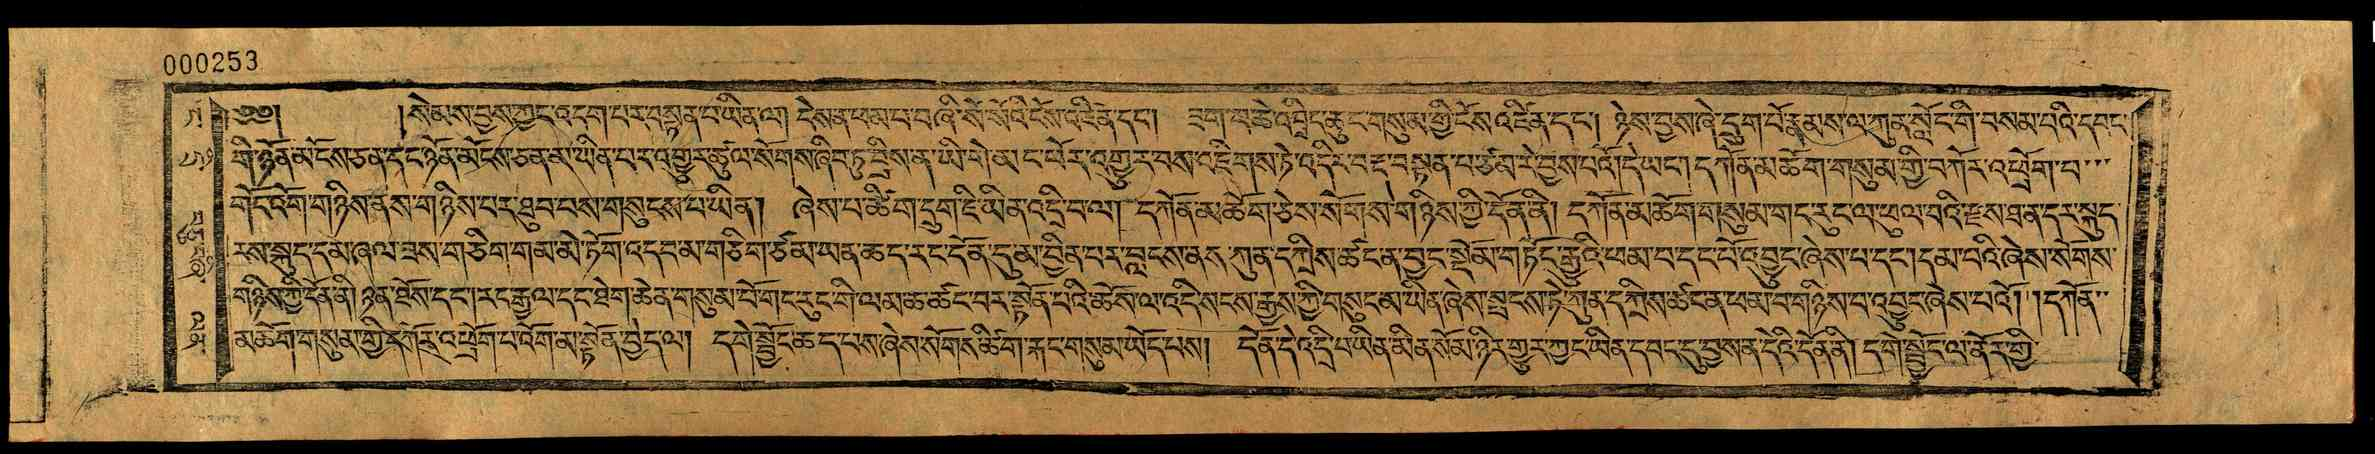༄༅། །སེམས་བྱས་ཀྱང་འདག་པར་བསྟན་པ་ཡིན་ལ། དེས་ན་ཕམ་པ་བཞི་སོ་སོའི་ངོས་འཛིན་དང་། ཟག་པ་ཆེ་འབྲིང་ཆུང་གསུམ་གྱི་ངོས་འཛིན་དང་། ཉེས་བྱས་ཞེ་དྲུག་པོ་རྣམས་ལ་ཀུན་སློང་གི་བསམ་པའི་དབང་
གི་ཉོན་མོངས་ཅན་དང་ཉོན་མོངས་ཅན་མ་ཡིན་པར་འགྱུར་ཚུལ་སོགས་ཞིབ་ཏུ་བྲིས་ན་ཡི་གེ་མང་པོར་འགྱུར་བས་འཇིགས་ཏེ་འདིར་བརྡ་བསྟན་པ་ཙམ་རེ་བྱས་པའོ། །དེ་ཡང་། དཀོན་མཆོག་གསུམ་གྱི་དཀོར་འཕྲོག་པ་
གོང་འོག་གཉིས་ནས་གཉིས་པར་ཐུབ་པས་གསུངས་པ་ཡིན། ཞེས་པ་ཚིག་དྲུག་ཇི་ཡིན་འདྲི་བ་ལ། དཀོན་མཆོག་ཅེས་སོགས་གཉིས་ཀྱི་དོན་ནི། དཀོན་མཆོག་གསུམ་གང་རུང་ལ་ཕུལ་བའི་རྫས་ཐ་ན་དར་སྐུད་
རས་སྐུད་དམ་ཞལ་ཟས་གཅིག་གམ་མེ་ཏོག་འདབ་མ་གཅིག་ཙམ་ཡན་ཆད་རང་དོན་དུ་མ་བྱིན་པར་བླངས་ནས་ཀུན་དཀྲིས་ཚང་ན་བྱང་སྡོམ་གཏོང་རྒྱུའི་ཕམ་པ་དང་པོ་འབྱུང་ཞེས་པ་དང་། དམ་པའི་ཞེས་སོགས་གཉིས་
ཀྱི་དོན་ནི། ཉན་ཐོས་དང་། རང་རྒྱལ་དང་ཐེག་ཆེན་གསུམ་པོ་གང་རུང་གི་ལམ་ཆ་ཚང་བར་སྟོན་པའི་ཆོས་ལ་འདི་སངས་རྒྱས་ཀྱི་གསུང་མ་ཡིན་ཞེས་སྤངས་ཏེ་ཀུན་དཀྲིས་ཚང་ན་ཕམ་པ་གཉིས་པ་འབྱུང་ཞེས་པའོ། །དཀོན་
མཆོག་གསུམ་གྱི་དཀོར་འཕྲོག་པ་འོག་མ་སྟོན་བྱེད་ལ། དགེ་སྦྱོང་ཆད་པས་ཞེས་སོགས་ཚིག་རྐང་གསུམ་ཡོད་པས། དོན་དེ་འདྲི་བ་ཡིན་མིན་སོམ་ཉིར་གྱུར་ཀྱང་ཡིན་དབང་དུ་བྱས་ན་དེའི་དོན་ནི། དགེ་སྦྱོང་ལ་ནོར་གྱི་